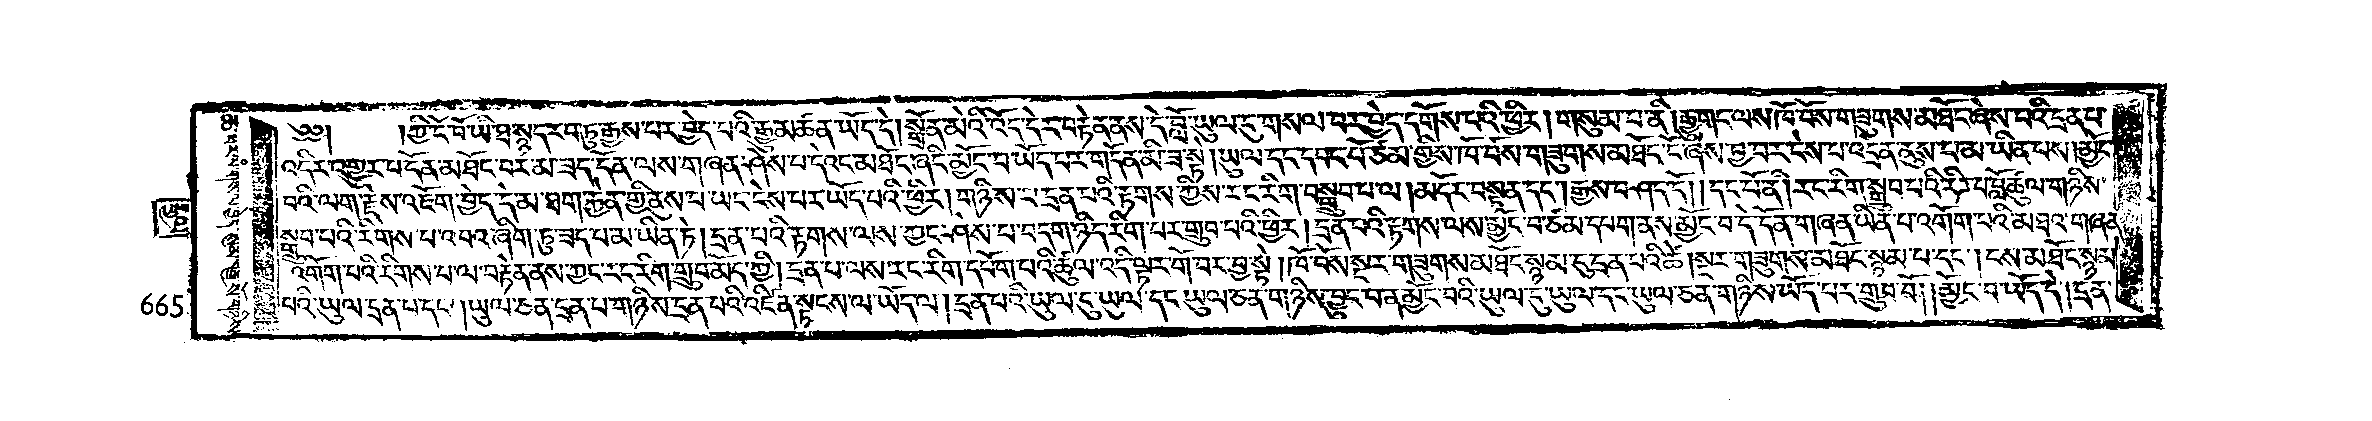༄༅། །ཀྱི་ངོ་བོ་ཡི་ཐ་སྙད་རབ་ཏུ་རྒྱས་པར་བྱེད་པའི་རྒྱུ་མཚན་ཡོད་དེ། སྒྲོན་མེའི་འོད་དེར་བརྟེན་ནས་དེ་བློ་ཡུལ་དུ་གསལ་བར་བྱེད་དགོས་པའི་ཕྱིར། གསུམ་པ་ནི། རྒྱུ་གང་ལས་ཁོ་བོས་གཟུགས་མཐོང་ཞེས་པའི་དྲན་པ་
འདིར་འགྱུར་པ་དོན་མཐོང་བར་མ་ཟད་དོན་ལས་གཞན་ཤེས་པ་དེའང་མཐོང་ཞིང་མྱོང་བ་ཡོད་པར་གདོན་མི་ཟ་སྟེ། ཡུལ་དང་དབང་པོ་ཙམ་གྱིས་ཁོ་བོས་གཟུགས་མཐོང་ངོ་ཞེས་བྱ་བར་ངེས་པ་འདྲེན་ནུས་པ་མ་ཡིན་པས། མྱེད་
བའི་ལག་རྗེས་འཇོག་བྱེད་དེ་མ་ཐག་རྐྱེན་གྱི་ནུས་པ་ཡང་ངེས་པར་ཡོད་པའི་ཕྱིར། གཉིས་པ་དྲན་པའི་རྟགས་ཀྱིས་རང་རིག་བསྒྲུབ་པ་ལ། མདོར་བསྟན་དང་། རྒྱས་བཤད་དོ། །དང་པོ་ནི། རང་རིག་སྒྲུབ་པའི་རིཌ་པ་བློ་ཚུལ་གཉིས་
སྒྲུབ་པའི་རིགས་པ་འབའ་ཞིག་ཏུ་ཟད་པ་མ་ཡིན་ཏེ། དྲན་པའི་རྟགས་ལས་ཀྱང་ཤེས་པ་བདག་ཉིད་རིག་པར་གྲུབ་པའི་ཕྱིར། དྲན་པའི་རྟགས་ལས་མྱོང་བ་ཙམ་དཔག་ནས་མྱོང་བ་དེ་དོན་གཞན་ཡིན་པ་འགོག་པའི་མཐའ་གཞན་
འགོག་པའི་རིགས་པ་ལ་བརྟེན་ནས་ཀྱང་རང་རིག་གྲུབ་མོད་ཀྱི། དྲན་པ་ལས་རང་རིག་དཔོག་པའི་ཚུལ་འདི་ལྟར་གོ་བར་བྱ་སྟེ། ཁོ་བོས་སྔར་གཟུགས་མཐོང་སྙམ་དུ་དྲན་པའི་ཚེ། སྔར་གཟུགས་མཐོང་སྙམ་པ་དང་། ངས་མཐོང་སྙམ་
པའི་ཡུལ་དྲན་པ་དང་། ཡུལ་ཅན་དྲན་པ་གཉིས་དྲན་པའི་འཛིན་སྟངས་ལ་ཡོད་ལ། དྲན་པའི་ཡུལ་དུ་ཡུལ་དང་ཡུལ་ཅན་གཉིས་བྱུང་བ་ན་མྱོང་བའི་ཡུལ་དུ་ཡུལ་དང་ཡུལ་ཅན་གཉིས་ཡོད་པར་གྲུབ་བོ། །མྱོང་བ་ཡོད་དེ། དྲན་